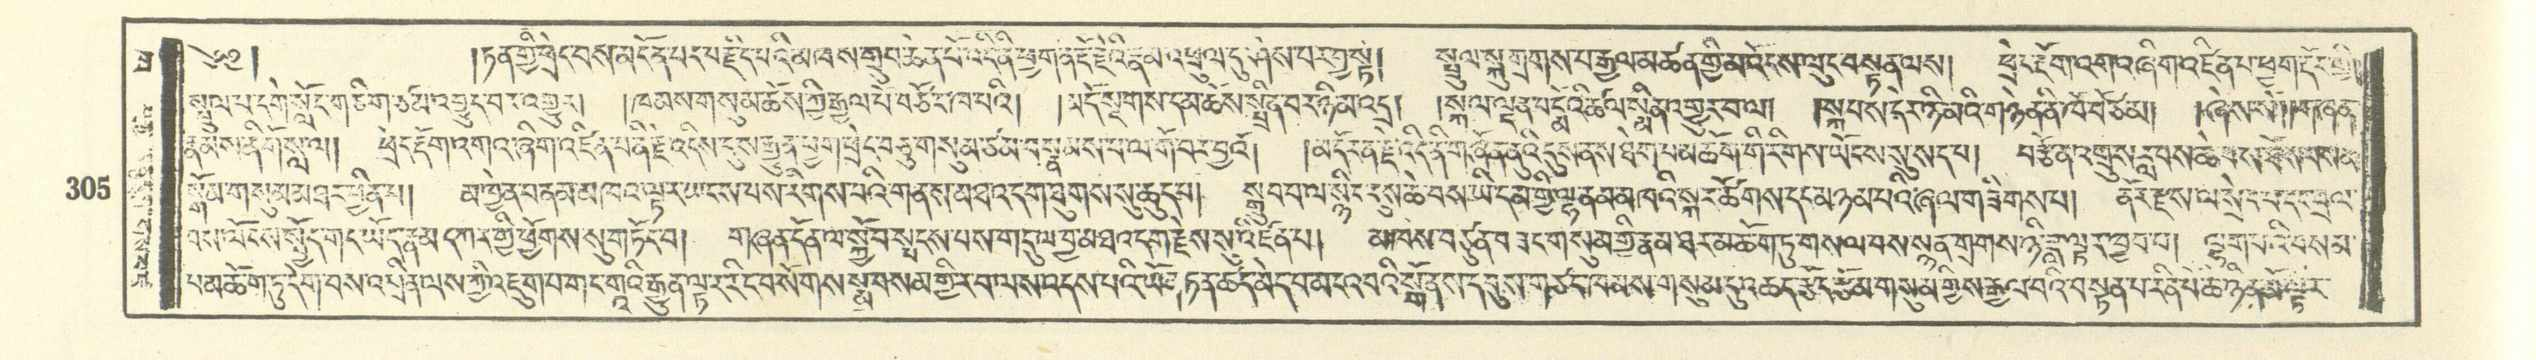༄༅། །ཏན་གྱི་ཕྲེང་བས་མངོན་པར་བརྗིད་པའི་མཁས་གྲུབ་ཆེན་པོ་འདི་ནི་ཕྱག་ན་རྡོ་རྗེའི་རྣམ་འཕྲུལ་དུ་ཤེས་བར་བྱ་སྟེ། སྤྲུལ་སྐུ་གྲགས་པ་རྒྱལ་མཚན་གྱི་མ་འོངས་ལུང་བསྟན་ལས། ཕྲེང་རྡོག་འགའ་ཞིག་འཛིན་པ་ཕྱག་རྡོར་གྱི།།
སྤྲུལ་པ་དགེ་སློང་གཅིག་ཙམ་འབྱུང་བར་འགྱུར། །ཁམས་གསུམ་ཆོས་ཀྱི་རྒྱལ་པོ་བཙོང་ཁ་པའི། །མདོ་སྔགས་དམ་ཆོས་སྤྲིན་བར་ཉི་མ་འདྲ། །སྐལ་ལྡན་པདམོའི་ཚལ་སྨིན་འགྱུར་བ་ལ། །སྐབས་དེར་ཉི་མའི་གཉེན་ནི་ཁོ་བོ་ཙ་མ། །ཞེས་སོ། །གཞན་
རྣམས་ནི་གོ་སླ་ལ། ཕྲེང་རྡོག་འགའ་ཞིག་འཛིན་པ་ནི་རྗེ་འདིས་དུས་རྒྱུན་ཕྱག་ཕྲེང་བཅུ་གསུམ་ཙམ་བསྣམས་པ་ལ་གོ་བར་བྱའོ། །མདོར་ན་རྗེ་འདི་ནི་གཞོན་ནུའི་དུས་ནས་ཐེག་པ་མཆོག་གི་རིགས་ཡོངས་སུ་སད་པ། བརྩོན་འགྲུས་རླབས་ཆེ་བས་ཐོས་བསམ་
སྒོམ་གསུམ་མཐར་ཕྱིན་པ། མཁྱེན་པ་ནམ་མཁའ་ལྟར་ཡངས་པས་རིགས་པའི་གནས་མཐའ་དག་ཐུགས་སུ་ཆུད་པ། སྒྲུབ་པ་ལ་སྙིང་རུས་ཆེ་བས་ཡི་དམ་གྱི་ལྷ་ནམ་མཁའི་སྐར་ཚོགས་དང་མཉམ་པའི་ཞལ་གཟིགས་པ། ནོར་རྫས་ལ་སྲེད་པ་དང་བྲལ་
བས་ལོངས་སྤྱོད་གང་ཡོད་རྣམ་དཀར་གྱི་ཕྱོགས་སུ་གཏོང་བ། གཞན་དོན་ལ་སྐྱོབ་སྤངས་པས་གདུལ་བྱ་མཐའ་དག་རྗེས་སུ་འཛིན་པ། མཁས་བཙུན་བཟང་གསུམ་གྱི་རྣམ་ཐར་མཆོག་ཏུ་གསལ་བས་སྙན་གྲགས་ཉི་ཟླ་ལྟར་ཁྱབ་པ། ལྷག་པའི་བསམ་
པ་མཆོག་ཏུ་དེག་བས་འཕྲིན་ལས་ཀྱི་འཇུག་པ་གང་གཱའི་རྒྱུན་ལྟར་རིང་བ་སོགས་སྨྲ་བསམ་གྱི་རབ་ལས་འདས་པའི་ཡོན་ཏན་ཆད་མེད་བ་མངའ་བའི་སྒོ་ནས་དབུས་གཙང་ཁམས་གསུམ་དུ་འཆད་རྩོད་རྩོམ་གསུམ་གྱིས་རྒྱལ་བའི་བསྟན་པ་རིན་པོ་ཆེ་ཉིན་མོ་ལྟར་